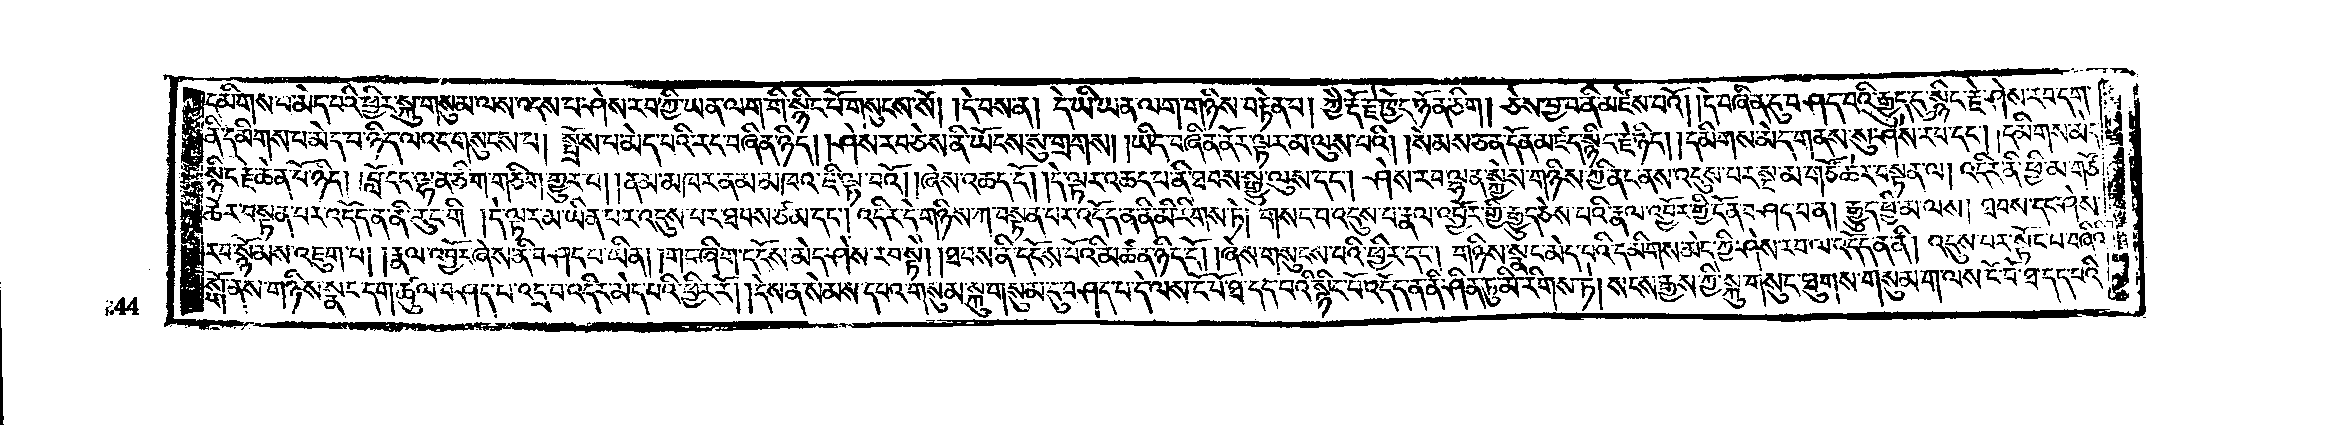དམིགས་པ་མེད་པའི་ཕྱིར་སྐུ་གསུམ་ལས་འདས་པ་ཤེས་རབ་ཀྱི་ཡན་ལག་གི་སྙིང་པོ་གསུངས་སོ། །དེ་བས་ན། དེ་ཡི་ཡན་ལག་གཉིས་བརྟེན་པ། ཀྱཻ་རྡོ་རྗེ་ཁྱོད་ཉོན་ཅིག །ཅེས་བྱ་བ་ནི་མཛེས་པའོ། །དེ་བཞིན་དུ་བཤད་པའི་རྒྱུད་དུ་སྙིང་རྗེ་ཤེས་རབ་དག་
ནི་དམིགས་པ་མེད་པ་ཉིད་ལའང་གསུངས་པ། སྤྲོས་པ་མེད་པའི་རང་བཞིན་ཉིད། །ཤེས་རབ་ཅེས་ནི་ཡོངས་སུ་གྲགས། །ཡིད་བཞིན་ནོར་ལྟར་མ་ལུས་པའི། །སེམས་ཅན་དོན་མཛད་སྙིང་རྗེ་ཉིད། །དམིགས་མེད་གནས་སུ་ཤེས་རབ་དང་། །དམིགས་མེད་
སྙིང་རྗེ་ཆེན་པོ་ཉིད། །བློ་དང་ལྷན་ཅིག་གཅིག་གྱུར་པ། །ནམ་མཁར་ནམ་མཁའ་ཇི་ལྟ་བའོ། །ཞེས་འཆད་དོ། །དེ་ལྟར་འཆད་པ་ནི་ཐབས་སྒྱུ་ལུས་དང་། ཤེས་རབ་ལྷན་སྐྱེས་གཉིས་ཀྱི་ནང་ནས་འདུས་པར་སྔ་མ་གཙོ་ཆེར་བསྟན་ལ། འདིར་ནི་ཕྱི་མ་གཙོ་
ཆེར་བསྟན་པར་འདོད་ན་ནི་རུང་གི །དེ་ལྟར་མ་ཡིན་པར་འདུས་པར་ཐབས་ཙམ་དང་། འདིར་དེ་གཉིས་ཀ་བསྟན་པར་འདོད་ན་ནི་མི་རིགས་ཏེ། གསང་བ་འདུས་པ་རྣལ་འབྱོར་གྱི་རྒྱུད་ཅེས་པའི་རྣལ་འབྱོར་གྱི་དོན་བཤད་པ་ན། རྒྱུད་ཕྱི་མ་ལས། ཐབས་དང་ཤེས་
རབ་སྙོམས་འཇུག་པ། །རྣལ་འབྱོར་ཞེས་ནི་བཤད་པ་ཡིན། །གང་ཞིག་དངོས་མེད་ཤེས་རབ་སྟེ། །ཐབས་ནི་དངོས་པོའི་མཚན་ཉིད་དོ། །ཞེས་གསུངས་པའི་ཕྱིར་དང་། གཉིས་སྣང་མེད་པའི་དམིགས་མེད་ཀྱི་ཤེས་རབ་ལ་འདོད་ན་ནི། འདུས་པར་སྟོང་པ་བཞིའི་
སྒོ་ནས་གཉིས་སྣང་དག་ཚུལ་བཤད་པ་འདྲ་བ་འདིར་མེད་པའི་ཕྱིར་རོ། །དེས་ན་སེམས་དཔའ་གསུམ་སྐུ་གསུམ་དུ་བཤད་པ་དེ་ལས་ངོ་བོ་ཐ་དད་པའི་སྙིང་པོ་འདོད་ན་ནི་ཤིན་ཏུ་མི་རིགས་ཏེ། སངས་རྒྱས་ཀྱི་སྐུ་གསུང་ཐུགས་གསུམ་ག་ལས་ངོ་བོ་ཐ་དད་པའི་